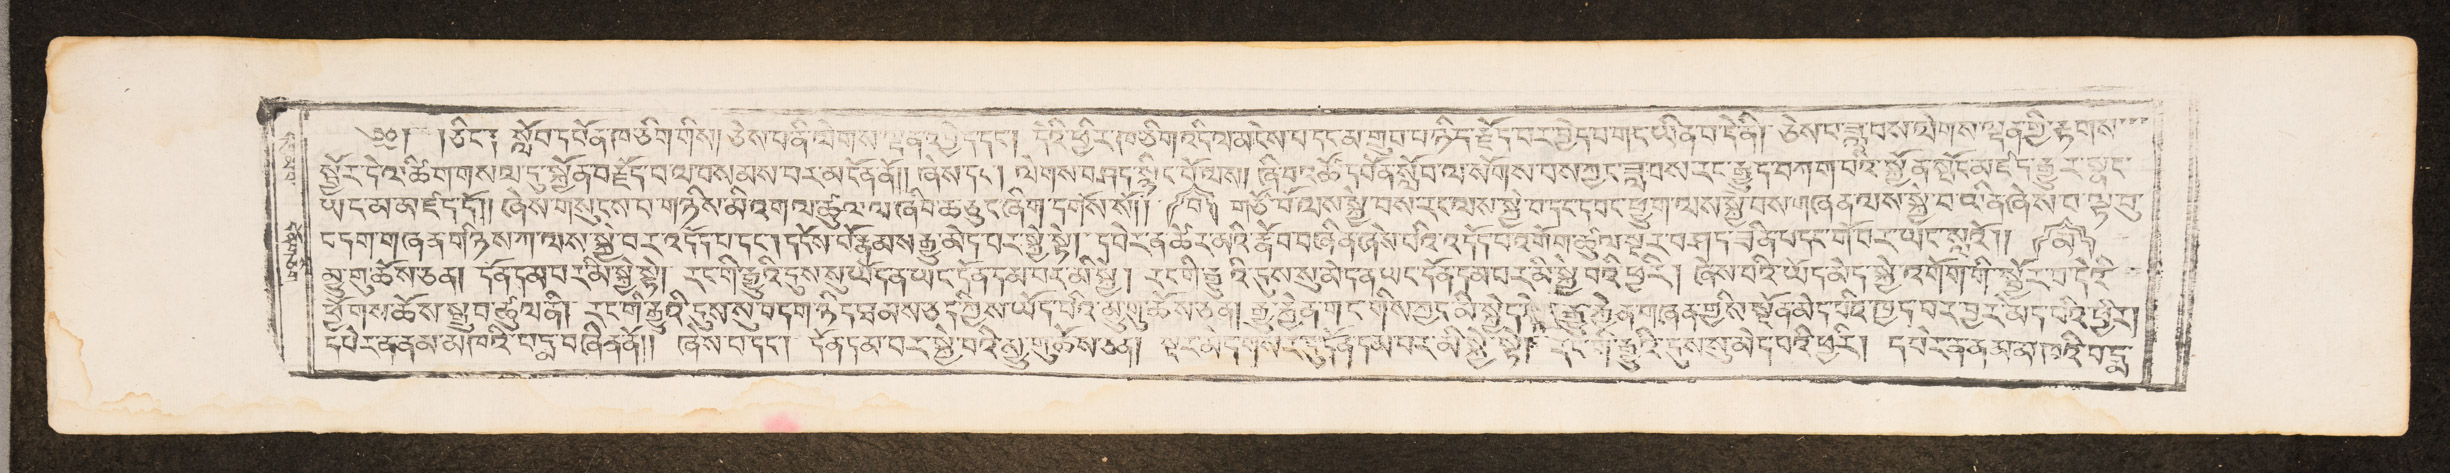༄༅། །ཅིང༑ སློབ་དཔོན་ཁ་ཅིག་གིས། ཅེས་པ་ནི་ལེགས་ལྡན་འབྱེད་དང་། དེའི་ཕྱིར་ཁ་ཅིག་འདི་ལ་མ་ངེས་པ་དང་མ་གྲུབ་པ་ཉིད་རྗོད་པར་བྱེད་པ་གང་ཡིན་པ་དེ་ནི། ཅེས་པ་ཟླ་བས་ལགས་ལྡན་གྱི་རྟགས་
སྦྱོར་དེ་ལ་ཚིག་གསལ་དུ་སྐྱོན་བརྗོད་པ་ལ་བསམས་པར་མངོན་ནོ།། ཞེས་དང་། ལེགས་བཤད་སྙིང་པོ་ལས། ཞི་བ་འཚོ་དཔོན་སློབ་ལ་སོགས་པས་ཀྱང་ཟླ་བས་རང་རྒྱུད་བཀག་པའི་སྐྱོན་སྤོང་མཛད་རྒྱུར་སྣང་
ཡང་མ་མཛད་དོ།། ཞེས་གསུངས་པ་གཉིས་མི་འགལ་ཚུལ་ལ་ཞིབ་ཆ་ཅུང་ཞིག་དགོས་སོ།། ༼༽བ༼༽ གཙོ་བོ་ལས་སྐྱེ་བས་རང་ལས་སྐྱེ་བ་དང་དབང་ཕྱུག་ལས་སྐྱེ་བས་གཞན་ལས་སྐྱེ་བ་ཡིན་ཞེས་པ་ལྟ་བུ་
བདག་གཞན་གཉིས་ཀ་ལས་སྐྱེ་བར་འདོད་པ་དང་། དངོས་པོ་རྣམས་རྒྱུ་མེད་པར་སྐྱེ་སྟེ། དཔེར་ན་ཚེར་མའི་རྣོ་བ་བཞིན་ཞེས་པའི་འདོད་པ་འགོག་ཚུལ་སྔར་བཤད་ཟིན་པ་དང་གོ་བར་ཡོང་སླའོ།། ༼༽མ༼༽
མྱུ་གུ་ཆོས་ཅན། དོན་དམ་པར་མི་སྐྱེ་སྟེ། རང་གི་རྒྱུའི་དུས་སུ་ཡོད་ན་ཡང་དོན་དམ་པར་མི་སྐྱེ། རང་གི་རྒྱུའི་དུས་སུ་མེད་ན་ཡང་དོན་དམ་པར་མི་སྐྱེས་བའི་ཕྱིར། ཞེས་པའི་ཡོད་མེད་སྐྱེ་འགོག་གི་སྦྱོར་བ་དེའི་
ཕྱོགས་ཆོས་སྒྲུབ་ཚུལ་ནི། རང་གི་རྒྱུའི་དུས་སུ་བདག་ཉིད་ཐམས་ཅད་ཀྱིས་ཡོད་པའི་མྱུ་གུ་ཆོས་ཅན། རྒྱུ་རྐྱེན་གང་གིས་ཀྱང་མི་སྐྱེད་དེ། རྒྱུ་རྐྱེན་གཞན་གྱིས་སྔོན་མེད་པའི་ཁྱད་པར་བྱར་མེད་པའི་ཕྱིར།
དཔེར་ན་ནམ་མཁའི་པདམ་བཞིན་ནོ།། ཞེས་པ་དང་། དོན་དམ་པར་སྐྱེ་བའི་མྱུ་གུ་ཆོས་ཅན། སྔར་མེད་གསར་དུ་དོན་དམ་པར་མི་སྐྱེ་སྟེ། རང་གི་རྒྱུའི་དུས་སུ་མེད་པའི་ཕྱིར། དཔེར་ན་ནམ་མཁའི་པདམ་